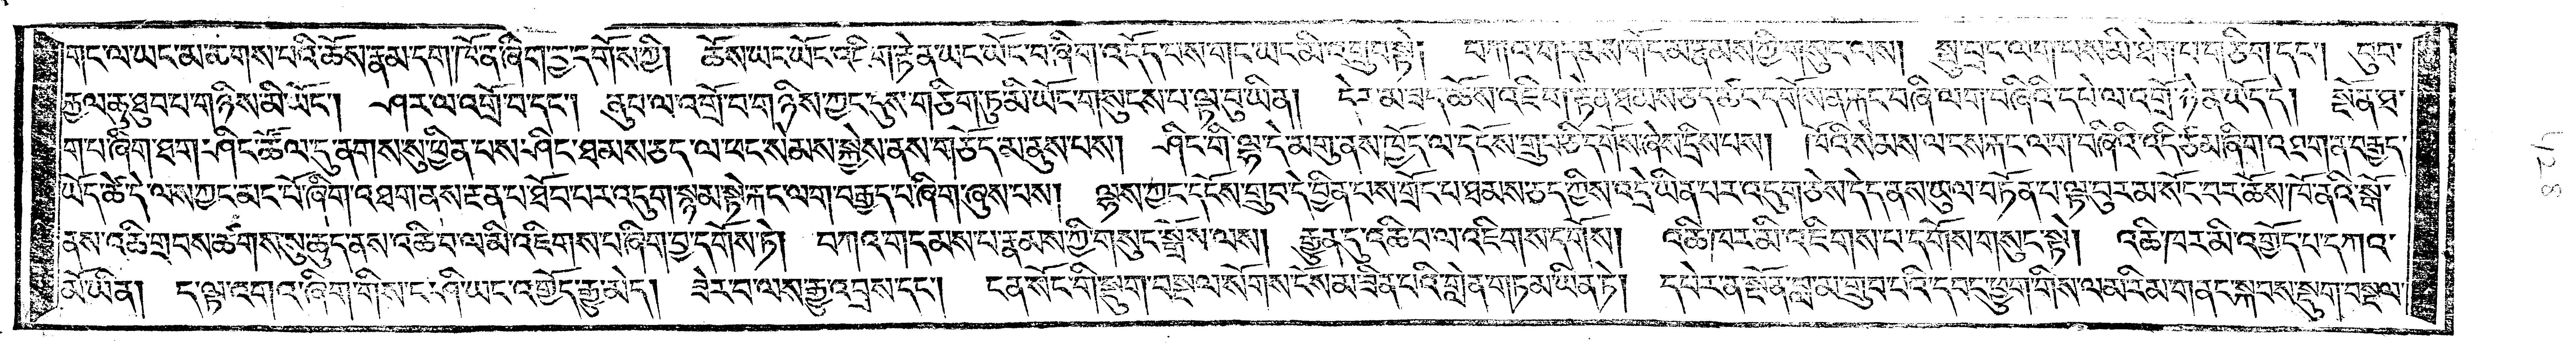གང་ལ་ཡང་མ་ཆགས་པའི་ཆོས་རྣམ་དག་ཁོ་ན་ཞིག་བྱ་དགོས་ཀྱི། ཆོས་ཡང་ཡོང་འཛིན་རྟེན་ཡང་ཡོང་བ་ཞིག་འདོད་པས་གང་ཡང་མི་འགྲུབ་སྟེ། བཀའ་གདམས་གོང་མ་རྣམས་ཀྱི་གསུང་ལས། སྤུ་བྲང་ལག་པས་མི་ཐེག་པ་གཅིག་དང་། བུབ་
རྒྱལ་ཆུ་ཐུབ་པ་གཉིས་མི་ཡོང་། ཤར་ལ་འགྲོ་བ་དང་། ནུབ་ལ་འགྲོ་བ་གཉིས་ཀྱང་དུས་གཅིག་ཏུ་མི་ཡོང་གསུངས་པ་ལྟ་བུ་ཡིན། དེར་མ་ཟད་ཆོས་འཇིག་རྟེན་ཐམས་ཅད་ཚང་དགོས་ན་རྐང་བཞི་ལག་བཞིའི་དཔེ་ལ་འགྲོ་ཉེན་ཡོད་དེ། སྔོན་ཐ་
ག་བ་ཞིག་ཐག་ཤིང་ཚོལ་དུ་ནགས་སུ་ཕྱིན་པས་ཤིང་ཐམས་ཅད་ལ་ཕང་སེམས་སྐྱེས་ནས་གཅོད་མ་ནུས་པས། ཤིང་གི་ལྷ་དེ་མགུ་ནས་ཁྱོད་ལ་དངོས་གྲུབ་ཅི་དགོས་ཞེས་དྲིས་པས། ཁོའི་སེམས་ལངས་རྐང་ལག་བཞིའི་འདི་ཙམ་ཞིག་འཐག་ན་བརྒྱད་
ཡོད་ཚེ་དེ་ལས་ཀྱང་མང་པོ་ཞིག་འཐག་ནས་རྔན་པ་ཐོབ་པར་འདུག་སྙམ་སྟེ་རྐང་ལག་བརྒྱད་པ་ཞིག་ཞུས་པས། ལྷས་ཀྱང་དངོས་གྲུབ་དེ་བྱིན་པས་གྲོང་པ་ཐམས་ཅད་ཀྱིས་འདྲེ་ཡིན་པར་འདུག་ཅེས་དེད་ནས་ཡུལ་བཏོན་པ་ལྟ་བུར་མ་སོང་བར་ཆོས་ཁོ་ནའི་སྒོ་
ནས་འཆི་གྲབས་ཆགས་སུ་ཆུད་ནས་འཆི་བ་ལ་མི་འཇིགས་པ་ཞིག་བྱ་དགོས་ཏེ། བཀའ་གདམས་པ་རྣམས་ཀྱི་གསུང་སྒྲོས་ལས། རྒྱུན་དུ་འཆི་བ་ལ་འཇིགས་དགོས། འཆི་ཁར་མི་འཇིགས་པ་དགོས་གསུང་སྟེ། འཆི་ཁར་མི་འགྱོད་པ་དཀའ་
མོ་ཡིན། ད་ལྟ་འགའ་ཞིག་གིས་ང་ཤི་ཡང་འགྱོད་རྒྱུ་མེད། ཐེར་བ་ལས་རྒྱུ་འབྲས་དང་། ངན་སོང་གི་སྡུག་བསྔལ་སོགས་ངོས་མ་ཟིན་པའི་གླེན་གཏམ་ཡིན་ཏེ། དཔེར་ན་སྔོན་བླ་མ་གྲུབ་པའི་དབང་ཕྱུག་གིས་ལམ་རིམ་གནང་སྐབས་སྡུག་བསྔལ་